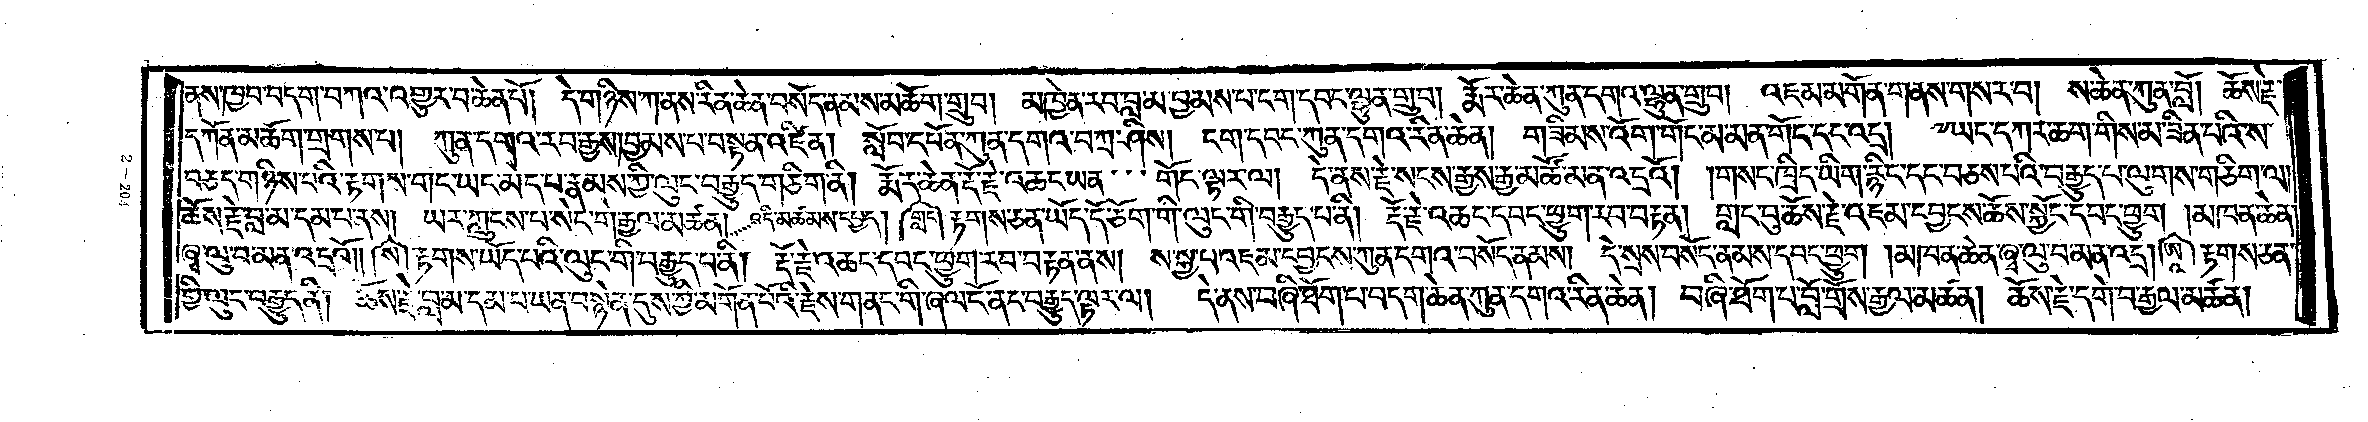ནས་ཁྱབ་བདག་བཀའ་འགྱུར་བ་ཆེན་པོ། དེ་གཉིས་ཀ་ནས་རིན་ཆེན་བསོད་ནམས་མཆོག་གྲུབ། མཁྱེན་རབ་བླ་མ་བྱམས་པ་ངག་དབང་ལྷུན་གྲུབ། རྨོར་ཆེན་ཀུན་དགའ་ལྷུན་གྲུབ། འཇམ་མགོན་གནས་གསར་བ། ས་ཆེན་ཀུན་བློ། ཆོས་རྗེ་
དཀོན་མཆོག་གྲགས་པ། ཀུན་དགའ་རབ་རྒྱས་བྱམས་པ་བསྟན་འཛིན། སློབ་དཔོན་ཀུན་དགའ་བཀྲ་ཤིས། ངག་དབང་ཀུན་དགའ་རིན་ཆེན། གཟིམས་འོག་གོང་མ་མན་གོང་དང་འདྲ། ༧ཡང་དཀར་ཆག་གིས་མ་ཟིན་པའི་ས་
བཅད་གཉིས་པའི་རྟགས་གང་ཡང་མེད་པ་རྣམས་ཀྱི་ལུང་བརྒྱུད་གཅིག་ནི། རྨོར་ཆེན་རྡོ་རྗེ་འཆང་ཡན་གོང་ལྟར་ལ། དེ་ནས་རྗེ་སངས་རྒྱས་རྒྱ་མཚོ་མན་འདྲའོ། །གསང་ཁྲིད་ཡིག་རྙིང་དང་བཅས་པའི་བརྒྱུད་པ་ལུགས་གཅིག་ལ་
ཆོས་རྗེ་བླ་མ་དམ་པ་ནས། ཡར་ཀླུངས་པ་སེང་གེ་རྒྱལ་མཚན། འདི་མཚམས་དཔྱད།  ༼གླང༽ རྟགས་ཅན་ཡོད་དོ་ཆོག་གི་ལུང་གི་བརྒྱུད་པ་ནི། རྡོ་རྗེ་འཆང་དབང་ཕྱུག་རབ་བརྟན། གླང་བུ་ཆོས་རྗེ་འཇམ་དབྱངས་ཆོས་སྐྱོང་དབང་ཕྱུག། །མཁན་ཆེན་
ཞྭ་ལུ་བ་མན་འདྲའོ།། ༼ས༽ རྟགས་ཡོད་པའི་ལུང་གི་བརྒྱུད་པ་ནི། རྡོ་རྗེ་འཆང་དབང་ཕྱུག་རབ་བརྟན་ནས། ས་སྐྱ་པ་འཇམ་དབྱངས་ཀུན་དགའ་བསོད་ནམས། དེ་སྲས་བསོད་ནམས་དབང་ཕྱུག །མཁན་ཆེན་ཞྭ་ལུ་བ་མན་འདྲ། ༼ཨཱ༽ རྟགས་ཅན་
གྱི་ལུང་བརྒྱུད་ནི། ཆོས་རྗེ་བླ་མ་དམ་པ་ཡན་བསྙེན་དུས་ཀྱི་མགོན་པོའི་རྗེས་གནང་གི་ཞལ་ངོ་ནང་བརྒྱུད་ལྟར་ལ། དེ་ནས་བཞི་ཐོག་པ་བདག་ཆེན་ཀུན་དགའ་རིན་ཆེ། བཞི་ཐོག་པ་བློ་གྲོས་རྒྱལ་མཚན། ཆོས་རྗེ་དགེ་བ་རྒྱལ་མཚན།